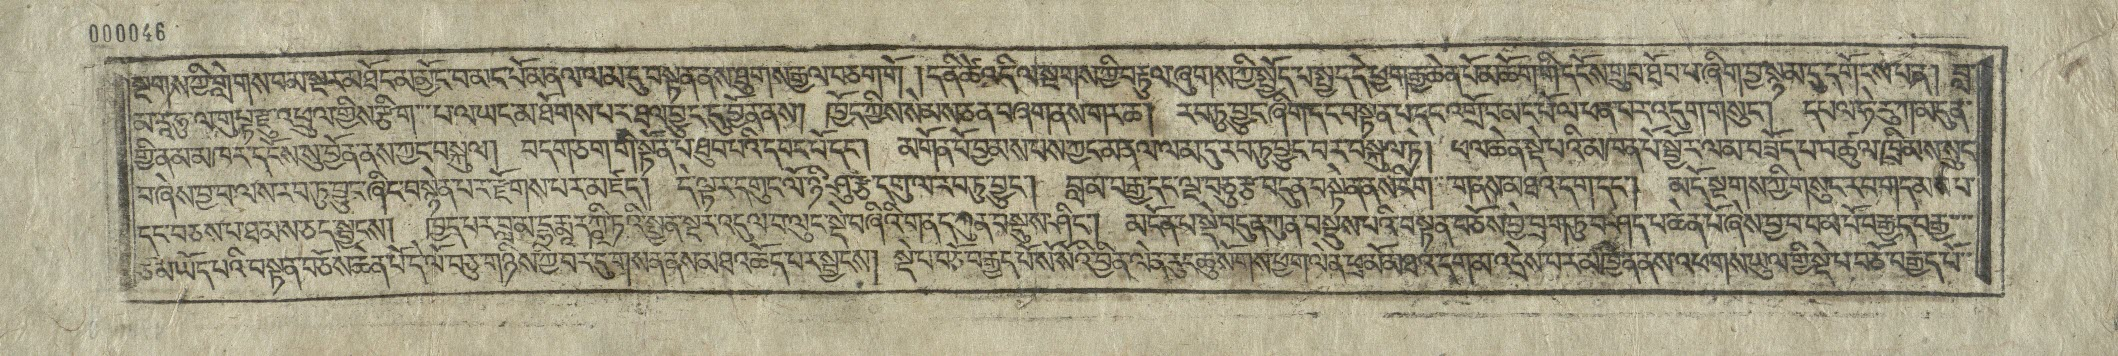སྔགས་ཀྱི་གླེགས་བམ་སྔར་མཐོང་མ་མྱོང་བ་མང་པོ་མནལ་ལམ་དུ་བསྟན་ནས་ཐུགས་རྒྱལ་བཅག་གོ །ད་ནི་ཚེ་འདི་ལ་སྔགས་ཀྱི་བརྟུལ་ཞུགས་ཀྱི་སྤྱོད་པ་སྤྱད་དེ་ཕྱག་རྒྱ་ཆེན་པོ་མཆོག་གི་དངོས་གྲུབ་ཐོབ་པ་ཞིག་བྱ་སྙམ་དུ་དགོངས་པ་ན། བླ་
མ་རཱ་ཧུ་ལ་གུཔྟ་རྫུ་འཕྲུལ་གྱིས་རྩིག་པ་ལ་ཡང་མ་ཐོགས་པར་ཐལ་བྱུང་དུ་བྱོན་ནས། ཁྱོད་ཀྱིས་སེམས་ཅན་བཞག་ནས་གར་ཆ། རབ་ཏུ་བྱུང་ཞིག་དང་བསྟན་པ་དང་འགྲོ་བ་མང་པོ་ལ་ཕན་པར་འདུག་གསུང་། དཔལ་ཧེ་རུ་ཀ་མདུན་
གྱི་ནམ་མཁར་དངོས་སུ་བྱོན་ནས་ཀྱང་བསྐུལ། བདག་ཅག་གི་སྟོན་པ་ཐུབ་པའི་དབང་པོ་དང་། མགོན་པོ་བྱམས་པས་ཀྱང་མནལ་ལམ་དུ་རབ་ཏུ་བྱུང་བར་བསྐུལ་ཏེ། ཕལ་ཆེན་སྡེ་པའི་མཁན་པོ་སྦྱོར་ལམ་བཟོད་པ་བ་ཚུལ་ཁྲིམས་སྲུང་
བ་ཞེས་བྱ་བ་ལས་རབ་ཏུ་བྱུང་ཞིང་བསྙེན་པར་རྫོགས་པར་མཛད། དེ་ལྟར་དགུང་ལོ་ཉི་ཤུ་རྩ་དགུ་ལ་རབ་ཏུ་བྱུང་། བླ་མ་བརྒྱ་དང་ལྔ་བཅུ་རྩ་བདུན་བསྟེན་ནས་རིག་གནས་མཐའ་དག་དང་། མདོ་སྔགས་ཀྱི་གསུང་རབ་གདམས་པ་
དང་བཅས་པ་ཐམས་ཅད་སྦྱངས། ཁྱད་པར་བླ་མ་དྷརྨཱ་རཀྵི་ཏའི་སྤྱན་སྔར་འདུལ་བ་ལུང་སྡེ་བཞིའི་གནད་ཀུན་བསྡུས་ཤིང་། མངོན་པ་སྡེ་བདུན་ཀུན་བསྡུས་པའི་བསྟན་བཅོས་བྱེ་བྲག་ཏུ་བཤད་པ་ཆེན་པོ་ཞེས་བྱ་བ་བམ་པོ་བརྒྱུད་བརྒྱ་
ཙམ་ཡོད་པའི་བསྟན་བཅོས་ཆེན་པོ་དེ་ལོ་བཅུ་གཉིས་ཀྱི་བར་དུ་གསན་ནས་མཐའ་ཆོད་པར་སྦྱངས། སྡེ་པ་བཅོ་བརྒྱད་པོ་སོ་སོའི་བྱིན་ལེན་རུང་ཆུ་སོགས་ཕྱག་ལེན་ཕྲ་མོ་མཐའ་དག་མ་འདྲེས་པར་མཁྱེན་ནས་འཕགས་ཡུལ་གྱི་སྡེ་པ་བཅོ་བརྒྱད་པོ་